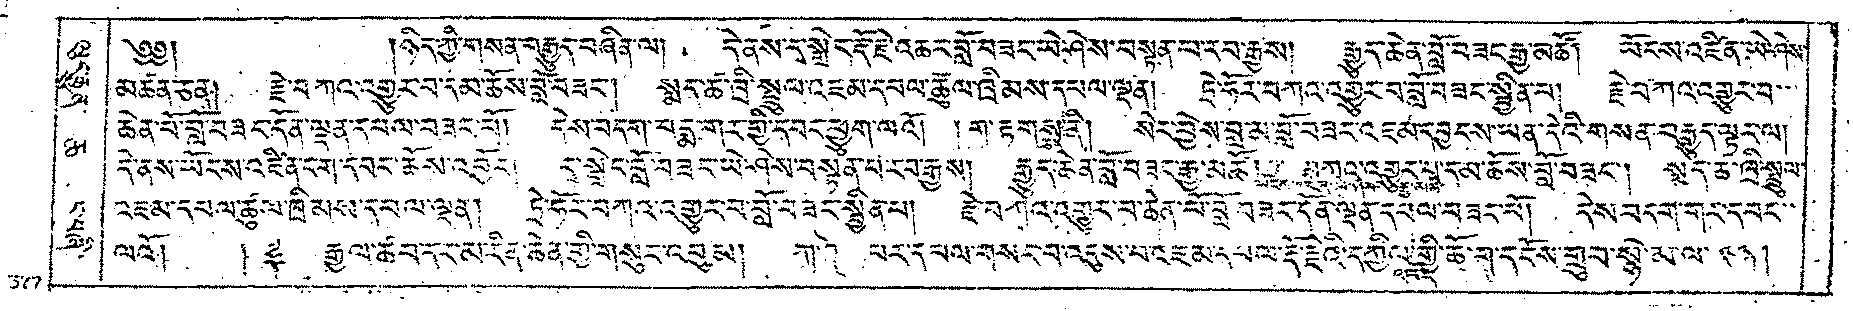༄༅། །ཉིད་ཀྱི་གསན་བརྒྱུད་བཞིན་ལ། དེ་ནས་རྭ་སྒྲེང་རྡོ་རྗེ་འཆང་བློ་བཟང་ཡེ་ཤེས་བསྟན་པ་རབ་རྒྱས། རྒྱུད་ཆེན་བློ་བཟང་རྒྱ་མཚོ། ཡོངས་འཛིན་ཡེ་ཤེས་
མཚན་ཅན། རྗེ་བཀའ་འགྱུར་བ་དམ་ཆོས་བློ་བཟང་། སྨད་ཙ་?་ཁྲི་སྤྲུལ་འཇམ་དཔལ་ཚུལ་ཁྲིམས་དཔལ་ལྡན། ཏྲེ་ཧོར་བཀའ་འགྱུར་བ་བློ་བཟང་སྦྱིན་པ། རྗེ་བཀའ་འགྱུར་བ་
ཆེན་པོ་བློ་བཟང་དོན་ལྡན་དཔལ་བཟང་པོ། དེས་བདག་པདམ་གར་གྱི་དབང་ཕྱུག་ལའོ། །ག་རྟགས་ཅན་ནི། སེར་བྱེས་བླ་མ་བློ་བཟང་འཇམ་དབྱངས་ཡན་དེའི་གསན་བརྒྱུད་ལྟར་ལ།
དེ་ནས་ཡོངས་འཛིན་ངག་དབང་ཆོས་འབྱོར། རྭ་སྒྲེང་བློ་བཟང་ཡེ་ཤེས་བསྟན་པ་རབ་རྒྱས། རྒྱུད་ཆེན་བློ་བཟང་རྒྱ་མཚོ། ཡོངས་འཛིན་ཡེ་ཤེས་རྒྱ་མཚོ། བཀའ་འགྱུར་བ་དམ་ཆོས་བློ་བཟང་། སྨད་ཚ་ཁྲི་སྤྲུལ་
འཇམ་དཔལ་ཚུལ་ཁྲིམས་དཔལ་ལྡན། ཏྲེ་ཧོར་བཀའ་འགྱུར་བ་བློ་བཟང་སྦྱིན་པ། རྗེ་བཀའ་འགྱུར་བ་ཆེན་པོ་བློ་བཟང་དོན་ལྡན་དཔལ་བཟང་པོ། དེས་བདག་གར་དབང་
ལའོ། ། ༈ རྒྱལ་ཚབ་དར་མ་རིན་ཆེན་གྱི་གསུང་འབུམ། ཀ྄་པར་དཔལ་གསང་བ་འདུས་པ་འཇམ་དཔལ་རྡོ་རྗེའི་དཀྱིལ་འཁོར་གྱི་ཆོ་ག་དངོས་གྲུབ་སྙེ་མ་ལ ༤༣།